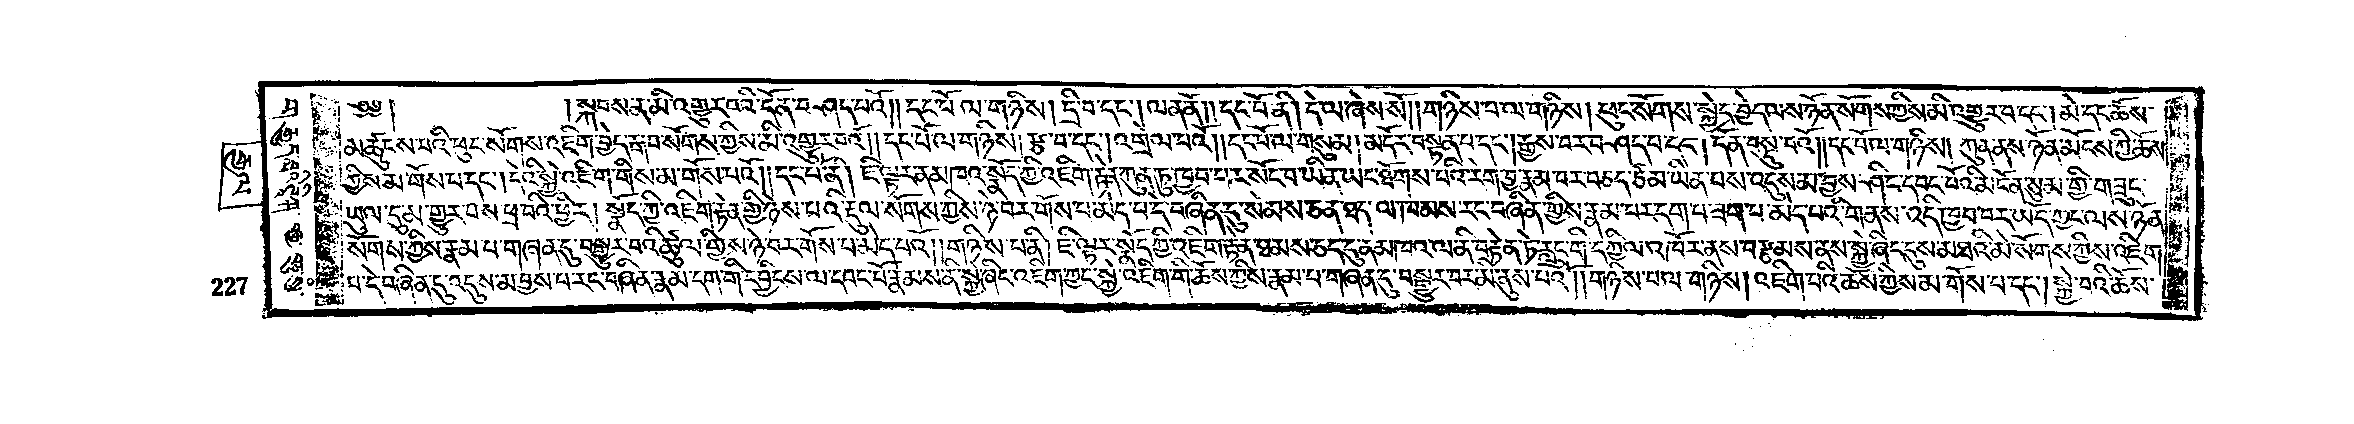༄༅། །སྐབས་ན་མི་འགྱུར་བའི་དོན་བཤད་པའོ། །དང་པོ་ལ་གཉིས། དྲི་བ་དང་། ལན་ནོ། །དང་པོ་ནི། དེ་ལ་ཞེས་སོ། །གཉིས་པ་ལ་གཉིས། ཕུང་སོགས་སྐྱེད་བྱེད་ལས་ཉོན་སོགས་ཀྱིས་མི་འགྱུར་བ་དང་། མེ་དང་ཆོས་
མཚུངས་པའི་ཕུང་སོགས་འཇིག་བྱེད་རྒ་བ་སོགས་ཀྱིས་མི་འགྱུར་བའོ། །དང་པོ་ལ་གཉིས། རྩ་བ་དང་། འགྲེལ་པའོ། །དང་པོ་ལ་གསུམ། མདོར་བསྟན་པ་དང་། རྒྱས་པར་བཤད་པ་དང་། དོན་བསྡུ་བའོ། །དང་པོ་ལ་གཉིས། ཀུན་ནས་ཉོན་མོངས་ཀྱི་ཆོས་
ཀྱིས་མ་གོས་པ་དང་། དེའི་སྐྱེ་འཇིག་གིས་མ་གོས་པའོ། །དང་པོ་ནི། ཇི་ལྟར་ནམ་མཁའ་སྣོད་ཀྱི་འཇིག་རྟེན་ཀུན་ཏུ་ཁྱབ་པར་སོང་བ་ཡིན་ཡང་ཐོགས་པའི་རེག་བྱ་རྣམ་པར་བཅད་ཙམ་ཡིན་པས་འདུས་མ་བྱས་ཤིང་དབང་པོའི་མངོན་སུམ་གྱི་གཟུང་
ཡུལ་དུ་མ་གྱུར་པས་ཕྲ་བའི་ཕྱིར། སྣོད་ཀྱི་འཇིག་རྟེན་གྱི་ཉེས་པའི་རྡུལ་སོགས་ཀྱིས་ཉེ་བར་གོས་པ་མེད་པ་དེ་བཞིན་དུ་སེམས་ཅན་ཐམས་ཅད་ལ་ཁམས་རང་བཞིན་གྱིས་རྣམ་པར་དག་པ་ཟག་པ་མེད་པའི་གནས་འདི་ཁྱབ་པར་ཡོད་ཀྱང་ལས་ཉོན་
སོགས་ཀྱིས་རྣམ་པ་གཞན་དུ་བསྒྱུར་བའི་ཚུལ་གྱིས་ཉེ་བར་གོས་པ་མེད་པའོ། །གཉིས་པ་ནི། ཇི་ལྟར་སྣོད་ཀྱི་འཇིག་རྟེན་ཐམས་ཅད་དུ་ནམ་མཁའ་ལ་ནི་བརྟེན་ཏེ་རླུང་གི་དཀྱིལ་འཁོར་ནས་བརྩམས་ནས་སྐྱེ་ཞིང་དུས་མཐའི་མེ་སོགས་ཀྱིས་འཇིག་
པ་དེ་བཞིན་དུ་འདུས་མ་བྱས་པ་རང་བཞིན་རྣམ་དག་གི་དབྱིངས་ལ་དབང་པོ་རྣམས་ནི་སྐྱེ་ཞིང་འཇིག་ཀྱང་སྐྱེ་འཇིག་གི་ཆོས་ཀྱིས་རྣམ་པ་གཞན་དུ་བསྒྱུར་བར་མི་ནུས་པའོ། །གཉིས་པ་ལ་གཉིས། འཇིག་པའི་ཆོས་ཀྱིས་མ་གོས་པ་དང་། སྐྱེ་བའི་ཆོས་